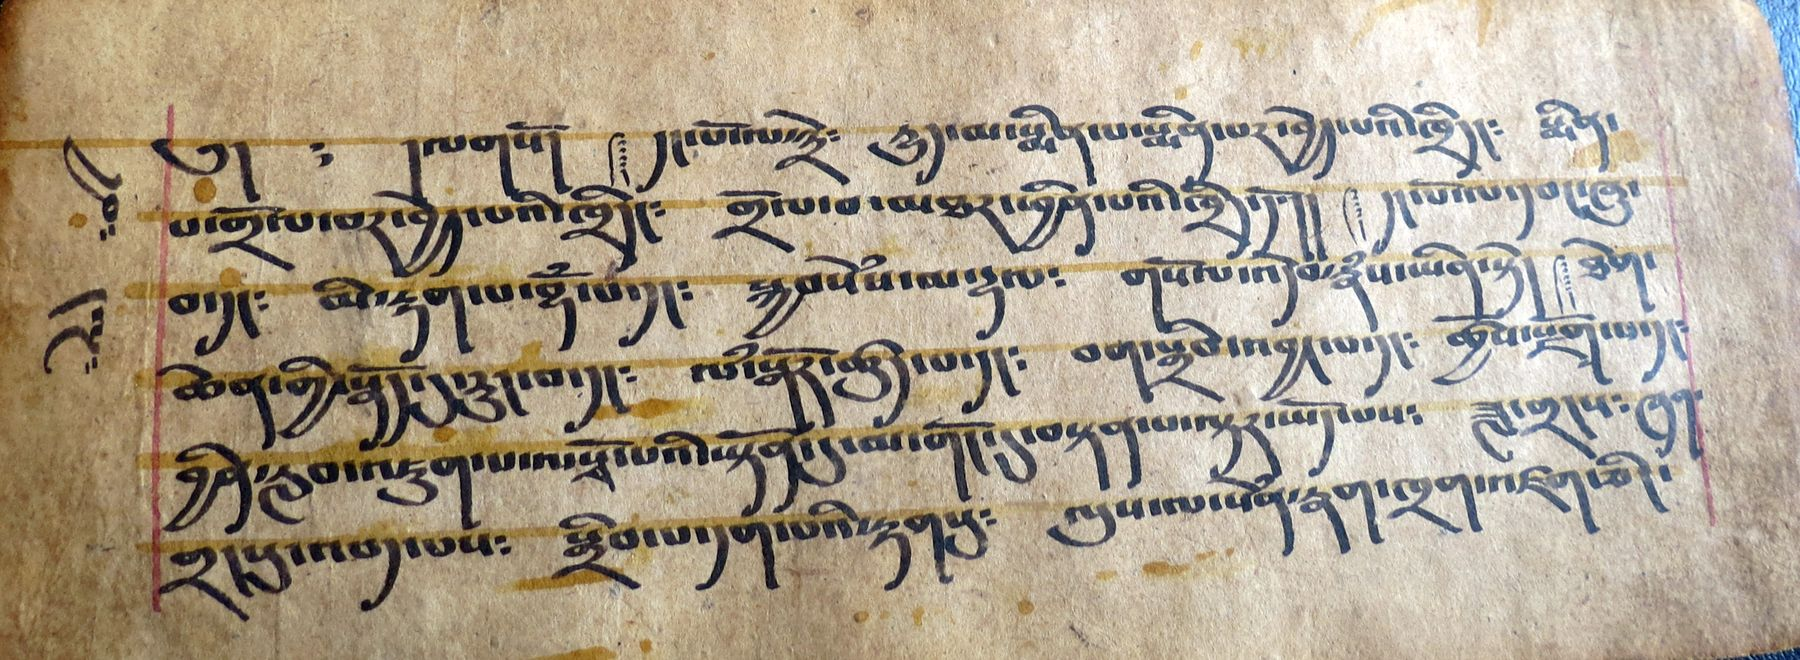ལགས་སོ། ། དང་པོ་ལ་གསུམ་སྟེ། རྒྱུད་མ་སྨིན་པ་སྨིན་པར་བྱེད་པའི་ཁྲིད་དང་། སྨིན་
པ་གྲོལ་བར་བྱེད་པའི་ཁྲིད་དང་། གྲོལ་བ་མཐར་ཕྱིན་པར་བྱེད་པའི་ཁྲིད་དོ། ། དང་པོ་ལ་དབང་ཞུ་
བ་དང་། མི་རྟག་པ་སྒོམ་པ་དང་། སྐྱབས་སེམས། མ་འདལ། གསོལ་འདེབས་རྣམས་ཡིན་ཏེ། ཐེག་
ཆེན་གྱི་སྣོད་དུ་རུང་བ་དང་། ལམ་སྒོར་ཆུད་པ་དང་། བག་སྒྲིབ་འབྱང་བ་དང་། ཚོགས་གཉིས་རྫོགས་པ་དང་། 
བྱིན་རླབས་འཇུགས་པ་ལ་སོགས་པའི་ཡོན་ཏན་དུ་མ་གོང་དུ་བསྟན་པ་ལྟར་ཡོད་པས། ཟླ་གྲངས་ཞག་
གྲངས་སུ་འབད་པས། སྒྲིབ་པ་དག་པའི་རྟགས་སུ་ལུས་ལ་སེམས་ཅན་རྣག་ཁྲག་འཛགས་ཤིང་